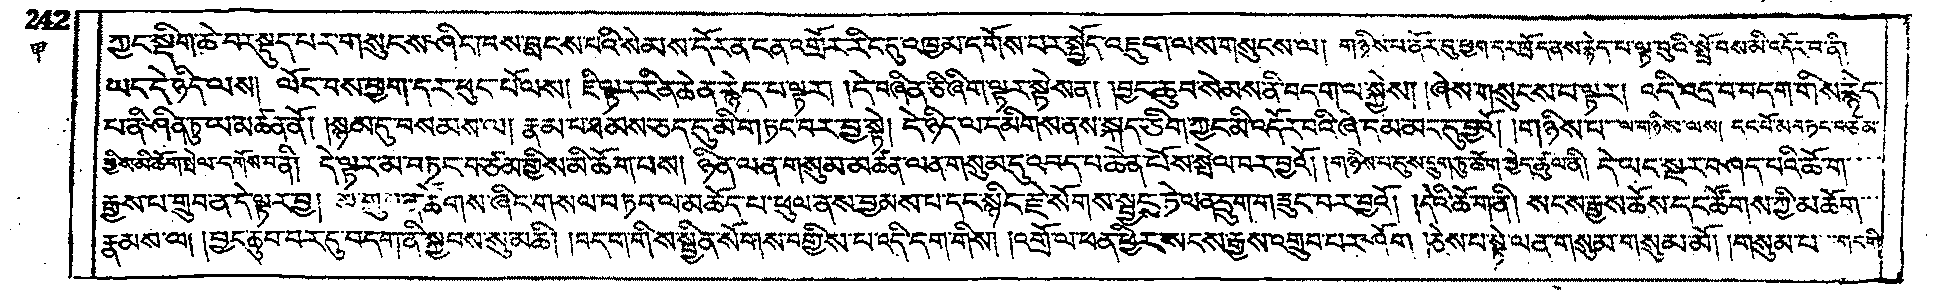ཀྱང་སྡིག་ཆེ་བར་སྡུད་པར་གསུངས་ཤིང་ཁས་བླངས་པའི་སེམས་དོར་ན་ངན་འགྲོར་རིང་དུ་འཁྱམ་དགོས་པར་སྤྱོད་འཇུག་ལས་གསུངས་ལ། གཉིས་པ་ནོར་བུ་ཕྱག་དར་ཁྲོད་ནས་རྙེད་པ་ལྟ་བུའི་སྤྲོ་བས་མི་འདོར་བ་ནི།
ཡང་དེ་ཉིད་ལས། ལོང་བས་ཕྱག་དར་ཕུང་པོ་ལས། ཇི་ལྟར་རིན་ཆེན་རྙེད་པ་ལྟར། །དེ་བཞིན་ཅི་ཞིག་ལྟར་སྟེས་ན། །བྱང་ཆུབ་སེམས་ནི་བདག་ལ་སྐྱེས། །ཞེས་གསུངས་པ་ལྟར། འདི་འདྲ་བ་བདག་གིས་རྙེད་
པ་ནི་ཤིན་ཏུ་ཡ་མཚན་ནོ། །སྙམ་དུ་བསམས་ལ། རྣམ་པ་ཐམས་ཅད་དུ་མི་གཏང་བར་བྱ་སྟེ། དེ་ཉིད་ལ་དམིགས་ནས་སྐད་ཅིག་ཀྱང་མི་འདོར་བའི་ཞེ་དམ་མང་དུ་བྱའོ། །གཉིས་པལ་གཉིས་ལས། དང་པོ་མ་བཏང་བ་ཙམ་
གྱིས་མི་ཆོག་སྤེལ་དགོས་པནི། དེ་ལྟར་མ་བཏང་བ་ཙམ་གྱིས་མི་ཆོག་པས། ཉིན་ལན་གསུམ་མཚན་ལན་གསུམ་དུ་འབད་པ་ཆེན་པོས་སྤེལ་བར་བྱའོ། །གཉིས་པ་དུས་དྲུག་ཏུ་ཆོ་ག་ཕྱེད་ཚུལ་ནི།  དེ་ཡང་སྔར་བཤད་པའི་ཆོ་ག་
རྒྱས་པ་གྲུབ་ན་དེ་ལྟར་བྱ། མ་གྲུབ་ན་ཚོགས་ཞིང་གསལ་བཏབ་ལ་མཆོད་པ་ཕུལ་ནས་བྱམས་པ་དང་སྙིང་རྗེ་སོགས་སྦྱངས་ཏེ་ལན་དྲུག་གཟུང་བར་བྱའོ། །དེའི་ཆོ་ག་ནི། སངས་རྒྱས་ཆོས་དང་ཚོགས་ཀྱི་མཆོག་
རྣམས་ལ། །བྱང་ཆུབ་བར་དུ་བདག་ནི་སྐྱབས་སུ་མཆི། །བདག་གིས་སྦྱིན་སོགས་བགྱིས་པ་འདི་དག་གིས། །འགྲོ་ལ་ཕན་ཕྱིར་སངས་རྒྱས་འགྲུབ་པར་ཤོག །ཅེས་པ་སྟེ་ལན་གསུམ་གསུམ་མོ། །གསུམ་པ་གང་གི་